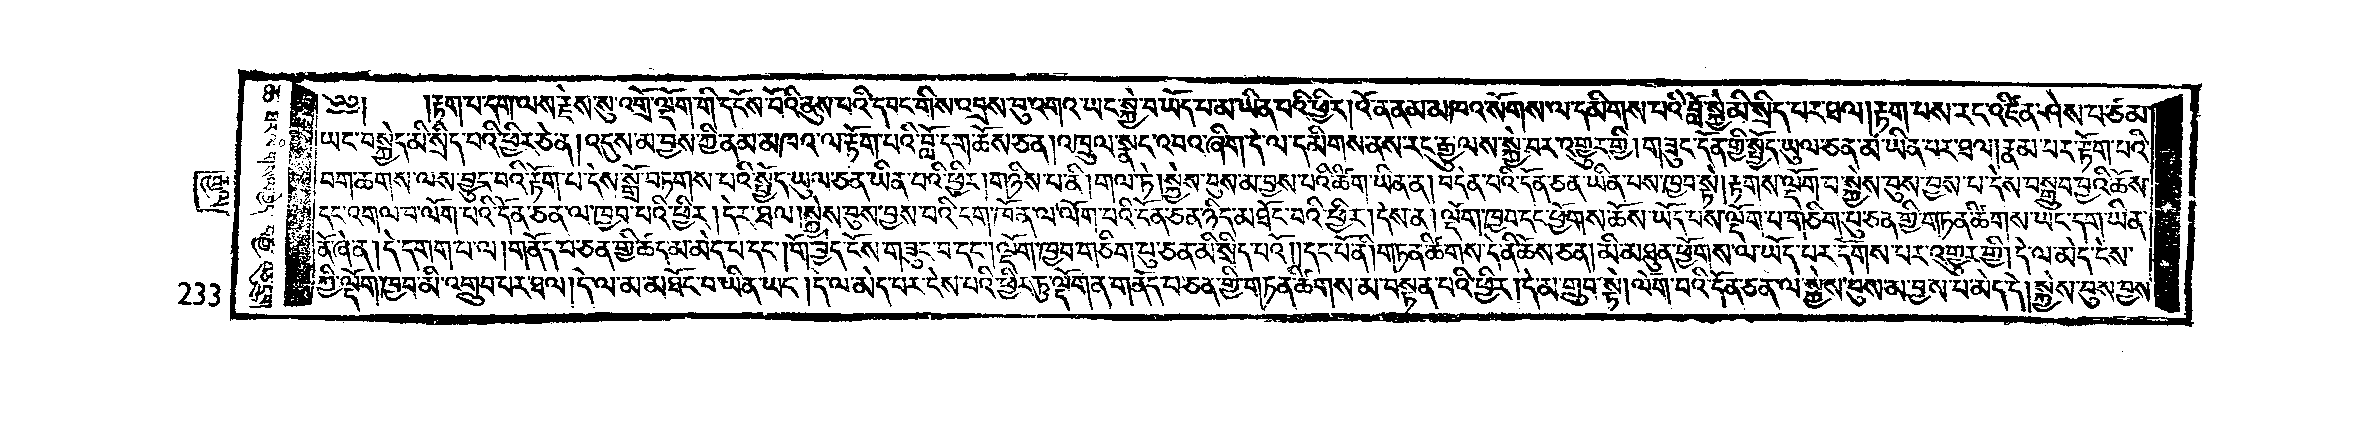༄༅། །རྟག་པ་དག་ལས་རྗེས་སུ་འགྲོ་ལྡོག་གི་དངོས་པོའི་ནུས་པའི་དབང་གིས་འབྲས་བུ་འགའ་ཡང་སྐྱེ་བ་ཡོད་པ་མ་ཡིན་པའི་ཕྱིར། འོ་ན་ནམ་མཁའ་སོགས་ལ་དམིགས་པའི་བློ་སྐྱེ་མི་སྲིད་པར་ཐལ། རྟག་པས་རང་འཛིན་ཤེས་པ་ཙམ་
ཡང་བསྐྱེད་མི་སྲིད་པའི་ཕྱིར་ཅེ་ན། འདུས་མ་བྱས་ཀྱི་ནམ་མཁའ་ལ་རྟོག་པའི་བློ་དག་ཆོས་ཅན། འཁྲུལ་སྣང་འབའ་ཞིག་དེ་ལ་དམིགས་ནས་རང་རྒྱུ་ལས་སྐྱེ་བར་འགྱུར་གྱི། གཟུང་དོན་གྱི་སྤྱོད་ཡུལ་ཅན་མ་ཡིན་པར་ཐལ། རྣམ་པར་རྟོག་པའི་
བག་ཆགས་ལས་བྱུང་བའི་རྟོག་པ་དེས་སྒྲོ་བཏགས་པའི་སྤྱོད་ཡུལ་ཅན་ཡིན་པའི་ཕྱིར། གཉིས་པ་ནི། གལ་ཏེ། སྐྱེས་བུས་མ་བྱས་པའི་ཚིག་ཡིན་ན། བདེན་པའི་དོན་ཅན་ཡིན་པས་ཁྱབ་སྟེ། རྟགས་ལྡོག་པ་སྐྱེས་བུས་བྱས་པ་དེས་བསྒྲུབ་བྱའི་ཆོས་
དང་འགལ་བ་ལོག་པའི་དོན་ཅན་ལ་ཁྱབ་པའི་ཕྱིར། དེར་ཐལ། སྐྱེས་བུས་བྱས་པའི་ངག་ཁོ་ན་ལ་ལོག་པའི་དོན་ཅན་ཉིད་མཐོང་བའི་ཕྱིར། དེས་ན། ལྡོག་ཁྱབ་དང་ཕྱོགས་ཆོས་ཡོད་པས་ལྡོག་པ་གཅིག་པུ་ཅན་གྱི་གཏན་ཚིགས་ཡང་དག་ཡིན་
ནོ་ཞེ་ན། དེ་དགག་པ་ལ། གནོད་པ་ཅན་གྱི་ཚད་མ་མེད་པ་དང་། གོ་བྱེད་ངོས་གཟུང་བ་དང་། ལྡོག་ཁྱབ་གཅིག་པུ་ཅན་མི་སྲིད་པའོ། །དང་པོ་ནི། གཏན་ཚིགས་དེ་ནི་ཆོས་ཅན། མི་མཐུན་ཕྱོགས་ལ་ཡོད་པར་དོགས་པར་འགྱུར་གྱི། དེ་ལ་མེད་ངེས་
ཀྱི་ལྡོག་ཁྱབ་མི་འགྲུབ་པར་ཐལ། དེ་ལ་མ་མཐོང་བ་ཡིན་ཡང་། དེ་ལ་མེད་པར་ངེས་པའི་ཕྱིར་ཏུ་ལྡོག་ན་གནོད་པ་ཅན་གྱི་གཏན་ཚིགས་མ་བསྟན་པའི་ཕྱིར། དེ་མ་གྲུབ་སྟེ། ལོག་པའི་དོན་ཅན་ལ་སྐྱེས་བུས་མ་བྱས་པ་མེད་དེ། སྐྱེས་བུས་བྱས་